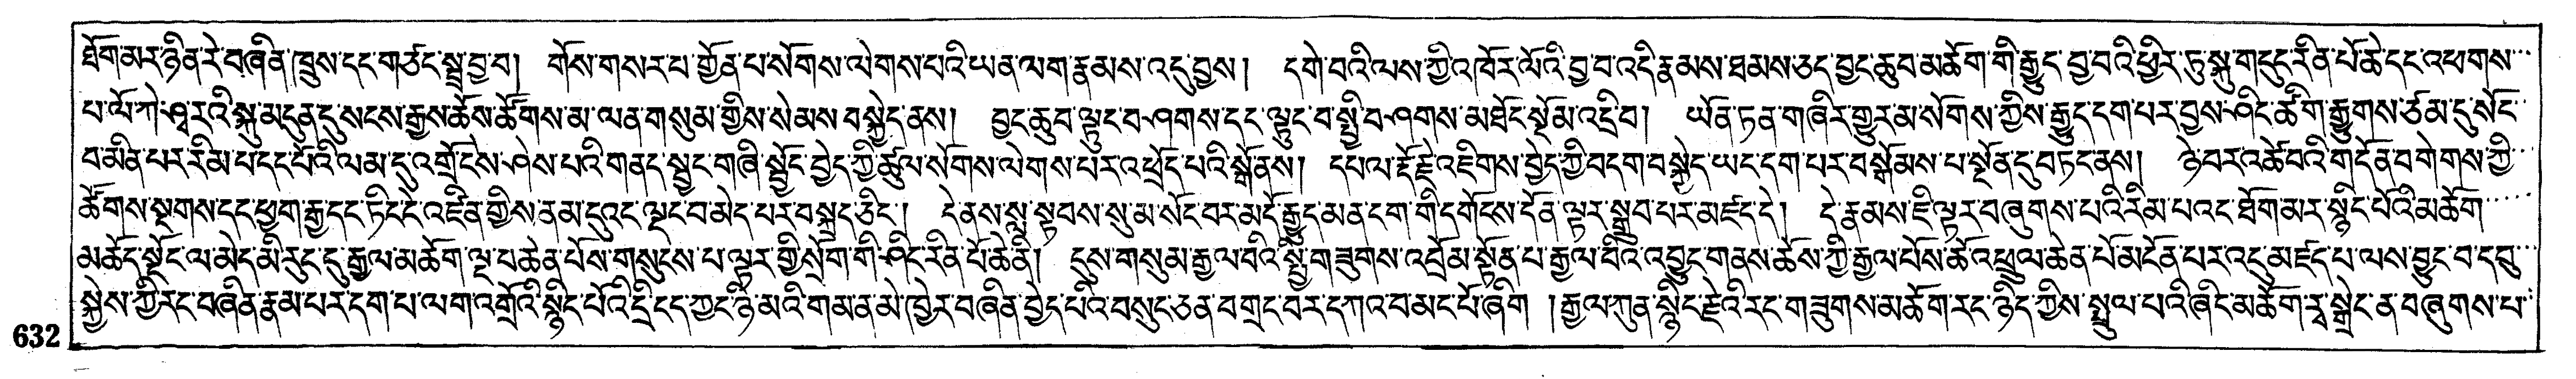ཐོག་མར་ཉིན་རེ་བཞིན་ཁྲུས་དང་གཙང་སྤྲ་བྱ་བ། གོས་གསར་པ་གྱོན་པ་སོགས་ལེགས་པའི་ཡན་ལག་རྣམས་འདུ་བྱས། དགེ་བའི་ལས་ཀྱི་འཁོར་ལོའི་བྱ་བ་འདི་རྣམས་ཐམས་ཅད་བྱང་ཆུབ་མཆོག་གི་རྒྱུར་བྱ་བའི་ཕྱིར་ཏུ་སྐུ་གདུང་རིན་པོ་ཆེ་དང་འཕགས་
པ་ལོ་ཀེ་ཤྭ་རའི་སྐུ་མདུན་དུ་སངས་རྒྱས་ཆོས་ཚོགས་མ་ལན་གསུམ་གྱིས་སེམས་བསྐྱེད་ནས། བྱང་ཆུབ་ལྟུང་བཤགས་དང་ལྟུང་པ་སྤྱི་བཤགས་མཐོང་སྡོམ་འདྲི་བ། ཡོན་ཏན་གཞིར་གྱུར་མ་སོགས་ཀྱིས་རྒྱུད་དག་པར་བྱས་ཤིང་ཚིག་རྒྱུགས་ཙམ་དུ་སོང་
བ་མིན་པར་རིམ་པ་དང་པོའི་ལམ་དུ་འགྲོ་ངེས་ཤེས་པའི་གནད་སྦྱང་གཞི་སྤྱོད་བྱེད་ཀྱི་ཚུལ་སོགས་ལེགས་པར་འཕྲོད་པའི་སྒོ་ནས། དཔལ་རྡོ་རྗེ་འཇིགས་བྱེད་ཀྱི་བདག་བསྐྱེད་ཡང་དག་པར་བསྒོམས་པ་སྔོན་དུ་བཏང་ནས། ཉེ་བར་འཚེ་བའི་གདོན་བགེགས་ཀྱི་
ཚོགས་སྔགས་དང་ཕྱག་རྒྱ་དང་ཏིང་ངེ་འཛིན་གྱིས་ནམ་དུའང་ལྡང་བ་མེད་པར་བསྐྲད་ཅིང་། དེ་ནས་སླ་སྟབས་སུ་མ་སོང་བར་མདོ་རྒྱུད་མན་ངག་གི་དགོངས་དོན་ལྟར་སྒྲུབ་པར་མཛད་དེ། དེ་རྣམས་ཇི་ལྟར་བཞུགས་པའི་རིམ་པའང་ཐོག་མར་སྙིང་པོའི་མཆོག་
མཆོད་སྡོང་ལ་མེད་མི་རུང་དུ་རྒྱལ་མཆོག་ལྔ་པ་ཆེན་པོས་གསུངས་པ་ལྟར་གྱི་སྲོག་གི་ཤིང་རིན་པོ་ཆེ་ནི། དུས་གསུམ་རྒྱལ་བའི་སྤྱི་གཟུགས་འབྲོམ་སྟོན་པ་རྒྱལ་བའི་འབྱུང་གནས་ཆོས་ཀྱི་རྒྱལ་པོས་ཆོ་འཕྲུལ་ཆེན་པོ་མངོན་པར་འདུ་མཛད་པ་ལས་བྱུང་བ་དབུ་
སྐྱེས་ཀྱི་རང་བཞིན་རྣམ་པར་དག་པ་ལག་འགྲོའི་སྙིང་པོའི་དྲི་ངད་ཀྱང་ཉི་མའི་གམ་ན་མེ་ཁྱེར་བཞིན་བྱེད་པའི་བསུང་ཅན་བགྲང་བར་དཀའ་བ་མང་པོ་ཞིག། །རྒྱལ་ཀུན་སྙིང་རྗེའི་རང་གཟུགས་མཆོག་རང་ཉིད་ཀྱིས་སྤྲུལ་པའི་ཞིང་མཆོག་རྭ་སྒྲེང་ན་བཞུགས་པ་